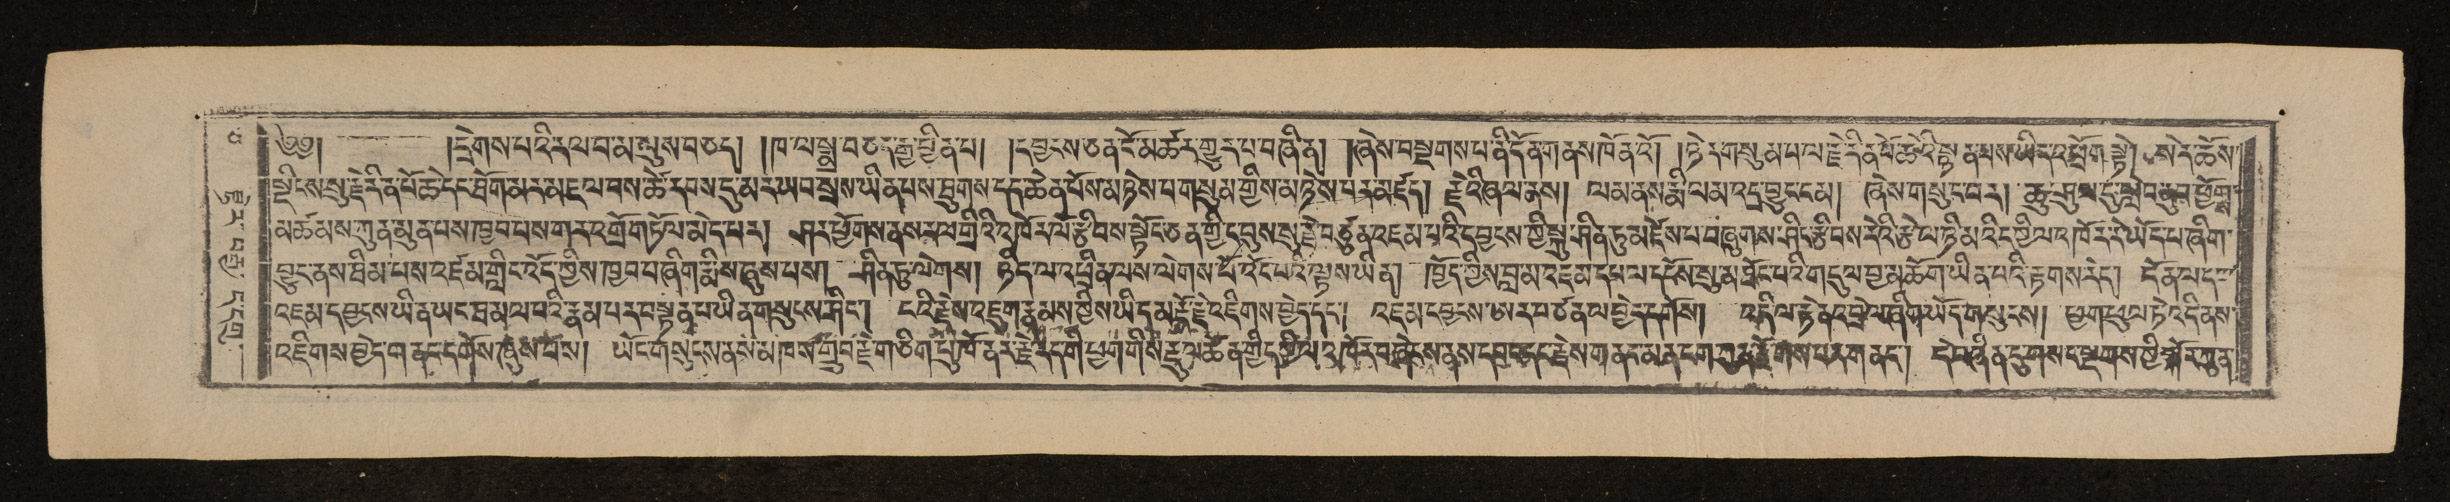༄༅། །དྲེགས་པའི་རལ་བ་མ་ལུས་བཅད། །ཁ་ལ་སྨྲ་བཅད་རྒྱ་བྱིན་པ། །དབྱངས་ཅན་ངོ་མཚར་གྱུར་པ་བཞིན། །ཞེས་བསྔགས་པ་ནི་དོན་གནས་ཁོ་ནའོ། །ཉེར་གསུམ་པ་ལ་རྗེ་རིན་པོ་ཆེའི་སྙན་པས་ཡིད་འཕྲོག་སྟེ། སེ་ར་ཆོས་
སྡིངས་སུ་རྗེ་རིན་པོ་ཆེ་དང་ཐོག་མར་མཇལ་བས་ཚེ་རབས་དུ་མར་ཡབ་སྲས་ཡིན་པས་ཐུགས་དད་ཆེན་པོས་མཉེས་པ་གསུམ་གྱིས་མཉེས་པར་མཛད། རྗེའི་ཞལ་ནས། ལམ་ནས་རྨི་ལམ་འདྲ་བྱུང་ངམ། ཞེས་གསུང་བར། ཆུ་ཤུལ་དུ་སླེབ་ནུབ་ཕྱོགས་
མཚམས་ཀུན་མུན་པས་ཁྱབ་པས་གར་འགྲོ་གཏོལ་མེད་པར། ཤར་ཕྱོགས་ནས་རལ་གྲིའི་འཁོར་ལོ་རྩིབས་སྟོང་ཅན་གྱི་དབུས་སུ་རྗེ་བཙུན་འཇམ་པའི་དབྱངས་ཀྱི་སྐུ་ཤིན་ཏུ་མཛེས་པ་བཞུགས་ཤིང་རྩིབས་རེའི་རྩེལ་ཉི་མའི་དཀྱིལ་འཁོར་རེ་ཡོད་པ་ཞིག་
བྱུང་ནས་ཐིམ་པས་འཛམ་གླིང་འོད་ཀྱིས་ཁྱབ་པ་ཞིག་རྨིས་ཞུས་པས། ཤིན་ཏུ་ལེགས། ཉིད་ལ་འཕྲིན་ལས་ལེགས་པོ་འོང་བའི་ལྟས་ཡིན། ཁྱོད་ཀྱིས་བླ་མ་འཇམ་དཔལ་དངོས་སུ་མཐོང་བའི་གདུལ་བྱ་མཆོག་ཡིན་པའི་རྟགས་རེད། དོན་ལ་ང་
འཇམ་དབྱངས་ཡིན་ཡང་ཐ་མལ་པའི་རྣམ་པར་བསྟན་པ་ཡིན་གསུངས་ཤིང་། ངའི་རྗེས་འཇུག་རྣམས་ཀྱིས་ཡི་དམ་རྡོ་རྗེ་འཇིགས་བྱེད་དང་། འཇམ་དབྱངས་ཨ་ར་པ་ཙ་ན་ལ་བྱེད་དགོས། འདི་ལ་རྟེན་འབྲེལ་ཞིག་ཡོད་གསུངས། ཕྱག་ཕུལ་ཏེ་འདི་ནས་
འཇིགས་བྱེད་གནང་དགོས་ཞུས་པས། ཡོང་གསུངས་ནས་མཁས་གྲུབ་རྗེ་གཅིག་པུ་ཁོ་ནར་རྗེ་རང་གི་ཕྱག་གིས་རྡུལ་ཚོན་གྱི་དཀྱིལ་འཁོར་བཞེངས་ནས་དབང་དང་རྗེས་གནང་མན་ངག་ཀུན་རྫོགས་པར་གནང་། དེ་བཞིན་དུ་གསང་སྔགས་ཀྱི་སྐོར་ཀུན་